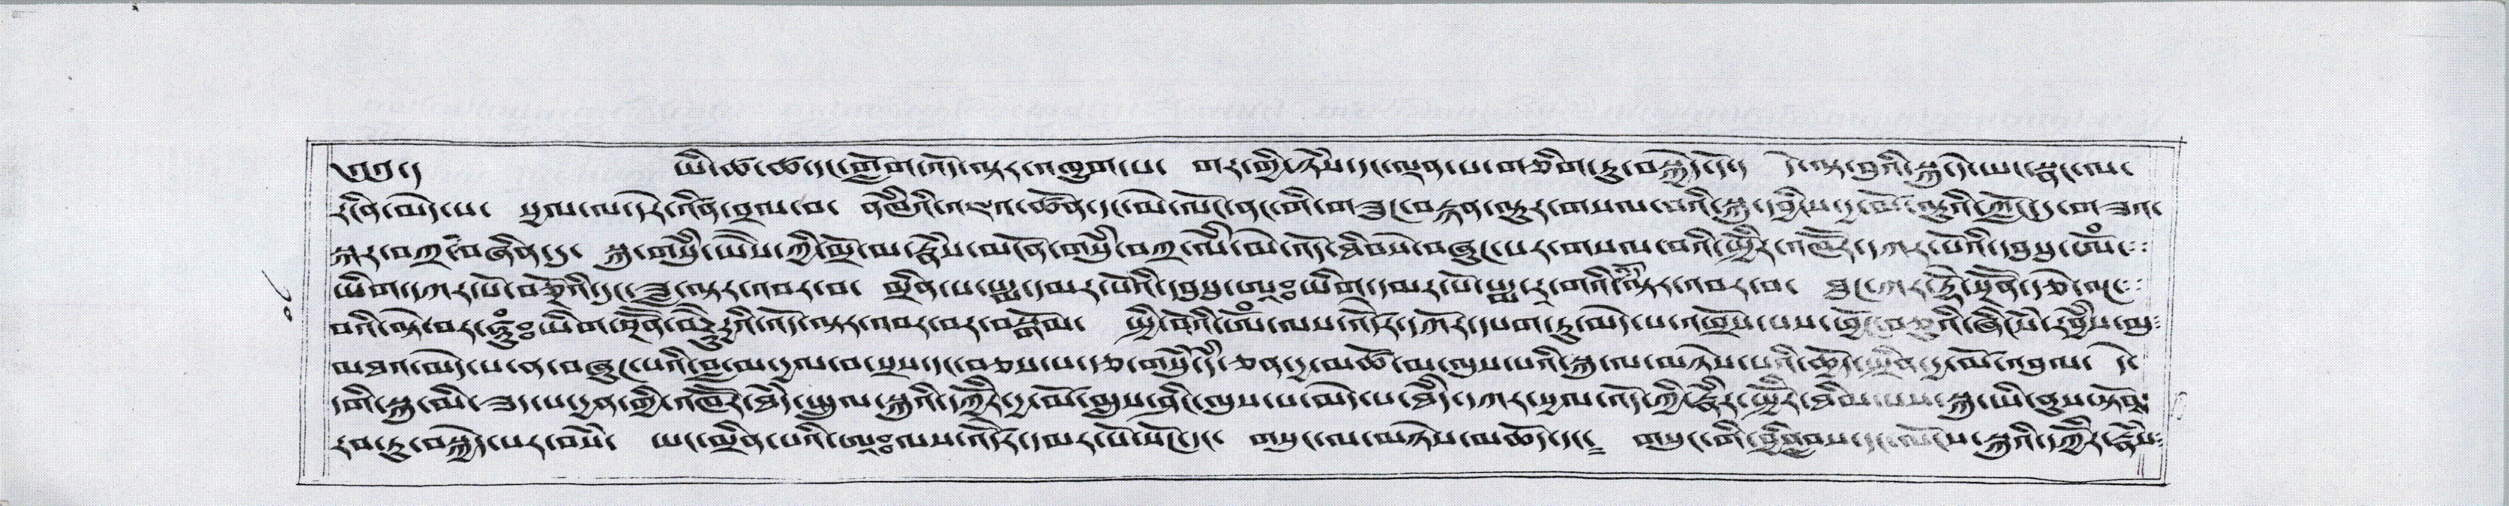ཡི་ཚ་ཚ་དང་གློག་འོད་ལྟར་འཁྱུག་པ། གར་གྱི་ཉམས་དང་ལྡན་པ་གཅིག་ཏུ་བསྐྱེད་དོ། དེ་ལྟ་བུའི་སྐུ་དེ་ཡང་སྣང་ལ་
རང་བཞིན་མེད་པ། གསལ་ལ་དེ་འཛིན་བྲལ་བ། ནམ་མཁའི་འཇའ་ཚོན་དང་མེ་ལོང་ནང་གི་གཟུགས་བརྙན་ལྟ་བུར་གསལ་བའི་སྐུ་དབྱིངས་རྒྱ་མཚོ་ལྟ་བུའི་ཀློང་དུ་གཟའ་
སྐར་བཀྲ་བ་བཞིན་དུ། སྐུ་གསུམ་ཡེ་ཤེས་ཀྱི་མཁའ་འགྲོ་མ་རྣམས་མངོན་སུམ་བཀྲ་ལམ་མེ་འོད་ཐིབས་སེ་བཞུགས་པར་གསལ་བའི་སྤྱི་བོར་འཁོར་ལོ་དཀར་པའི་དབུས་སུ་ཨོཾ་
ཡིག་དཀར་པོ་བཅོ་ལྔའི་དུང་ཟླ་ལྟར་འབར་བ། མགྲིན་པ་པདྨ་དམར་པོའི་དབུས་སུ་ཨཱཿཡིག་དམར་པོ་པདྨ་ར་གའི་འོད་ལྟར་འབར་བ། ཐུགས་ཀར་རྡོ་རྗེ་སྔོན་པོ་རྩེ་ལྔ་
པའི་ལྟེ་བར་ཧཱུཾཿཡིག་སྔོན་པོ་བཱཻཌཱུརྱའི་འོད་ལྟར་འབར་བར་བསྒོམ། སྤྱི་བོའི་ཨོཾ་ལས་འོད་ཟེར་དཀར་པོ་དཔག་ཏུ་མེད་པ་འཕྲོས་པས་ཕྱོགས་བཅུའི་ཞིང་ཁམས་རབ་འབྱམས་མུ་
མཐའ་མེད་པ་ན་བཞུགས་པའི་བླ་མ་རྒྱལ་བ་སྲས་དང་བཅས་པ་རྩ་གསུམ་དམ་ཅན་རྒྱ་མཚོ་མ་ལུས་པའི་སྐུ་ལ་མཉེས་པའི་མཆོད་སྤྲིན་རྒྱ་མཚོ་འབུལ། དེ་
དག་གི་སྐུ་མི་བཟད་པ་རྒྱན་གྱི་འཁོར་ལོ་ཐམས་ཅད་སྤྲུལ་སྐུའི་རྒྱ་མཚོ་མ་ལུས་ཤིང་ལུས་པ་མེད་པ་ཐམས་ཅད་དཀར་གསལ་འོད་ཀྱི་རྣམ་པར་སྤྱི་བོར་ཐིམ་པས་སྐུ་ཡི་ནུས་སྟོབས་
རབ་ཏུ་བསྐྱེད་པར་བསམ། ཡང་མགྲིན་པའི་ཨཿལས་འོད་ཟེར་དམར་པོ་སོགས་དང་། གསུང་ལ་མཉེས་མཆོད་དང་། གསུང་གི་བྱིན་རླབས་དང་ལོངས་སྐུའི་དཀྱིལ་འཁོར་རྣམས་